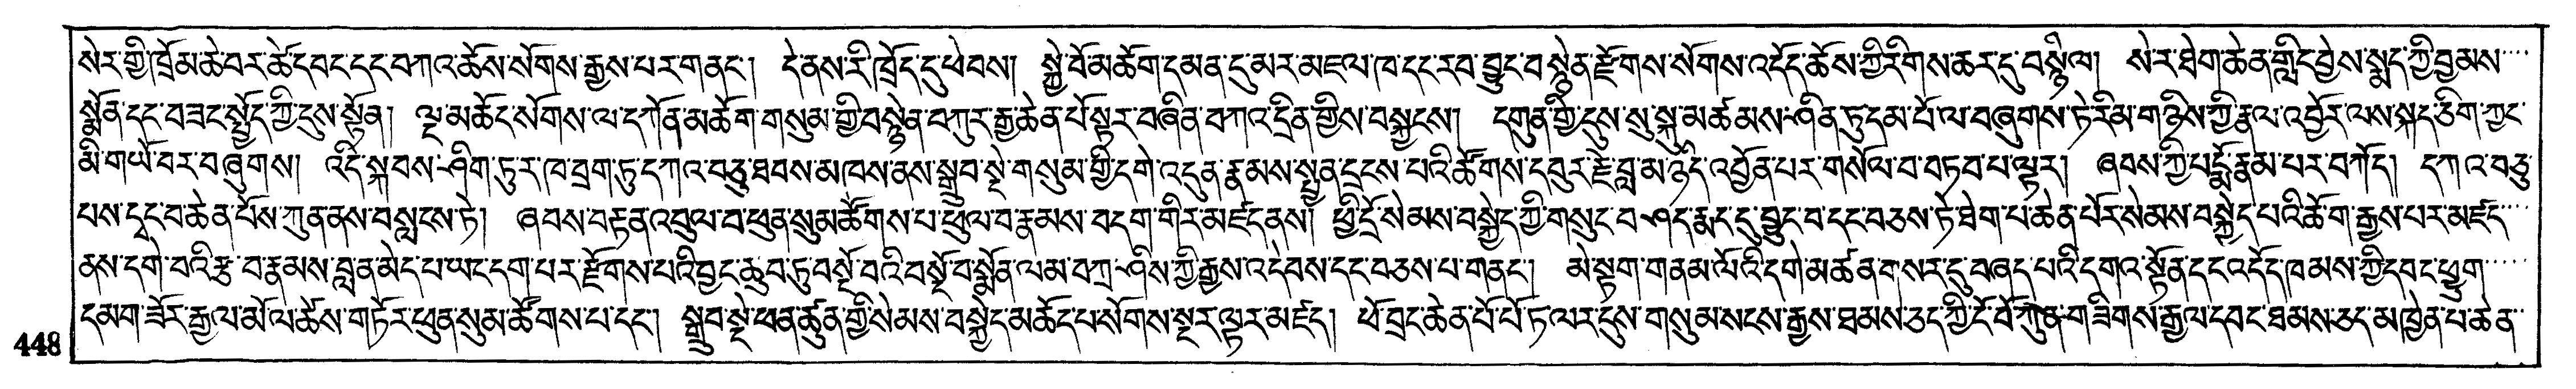སེར་གྱི་ཁྲོམ་ཆེ་བར་ཚེ་དབང་དང་བཀའ་ཆོས་སོགས་རྒྱས་པར་གནང་། དེ་ནས་རི་ཁྲོད་དུ་ཕེབས། སྐྱེ་བོ་མཆོག་དམན་དུ་མར་མཇལ་ཁ་དང་རབ་བྱུང་བསྙེན་རྫོགས་སོགས་འདོད་ཆོས་ཀྱི་རིགས་ཆར་དུ་བསྙིལ། སེ་ར་ཐེག་ཆེན་གླིང་བྱེས་སྨད་ཀྱི་བྱམས་
སྨོན་དང་བཟང་སྤྱོད་ཀྱི་དུས་སྟོན། ལྔ་མཆོད་སོགས་ལ་དཀོན་མཆོག་གསུམ་གྱི་བསྙེན་བཀུར་རྒྱ་ཆེན་པོ་སྔར་བཞིན་བཀའ་དྲིན་གྱིས་བསྐྱངས། དགུན་གྱི་དུས་སུ་སྐུ་མཚམས་ཤིན་ཏུ་དམ་པོ་ལ་བཞུགས་ཏེ་རིམ་གཉིས་ཀྱི་རྣལ་འབྱོར་ལས་སྐད་ཅིག་ཀྱང་
མི་གཡོ་བར་བཞུགས། འདི་སྐབས་ཤིག་ཏུར་ཁ་བྲག་ཏུ་དཀའ་བཅུ་ཐབས་མཁས་ནས་སྒྲུབ་སྔེ་གསུམ་གྱི་དགེ་འདུན་རྣམས་སྤྱན་དྲངས་པའི་ཚོགས་དབུར་རྗེ་བླ་མ་ཉིད་འབྱོན་པར་གསོལ་བ་བཏབ་པ་ལྟར། ཞབས་ཀྱི་པདམོ་རྣམ་པར་བཀོད། དཀའ་བཅུ་
པས་དྭང་བ་ཆེན་པོས་ཀུན་ནས་བསླངས་ཏེ། ཞབས་བརྟན་འབུལ་བ་ཕུན་སུམ་ཚོགས་པ་ཕུལ་བ་རྣམས་བདག་གིར་མཛད་ནས། ཕྱི་དྲོ་སེམས་བསྐྱེད་ཀྱི་གསུང་བཤད་རྨད་དུ་བྱུང་བ་དང་བཅས་ཏེ་ཐེག་པ་ཆེན་པོར་སེམས་བསྐྱེད་པའི་ཆོ་ག་རྒྱས་པར་མཛད་
ནས་དགེ་བའི་རྩ་བ་རྣམས་བླ་ན་མེད་པ་ཡང་དག་པར་རྫོགས་པའི་བྱང་ཆུབ་ཏུ་བསྔོ་བའི་བསྔོ་བ་སྨོན་ལམ་བཀྲ་ཤིས་ཀྱི་རྒྱས་འདེབས་དང་བཅས་པ་གནང་། མེ་སྟག་གནམ་ལོའི་དགེ་མཚན་གསར་དུ་བཞད་པའི་དགའ་སྟོན་དང་འདོད་ཁམས་ཀྱི་དབང་ཕྱུག་
དམག་ཟོར་རྒྱལ་མོ་ལ་ཚེས་གཏོར་ཕུན་སུམ་ཚོགས་པ་དང་། སྒྲུབ་སྡེ་ཕན་ཚུན་གྱི་སེམས་བསྐྱེད་མཆོད་པ་སོགས་སྔར་ལྟར་མཛད། ཕོ་བྲང་ཆེན་པོ་པོ་ཏ་ལར་དུས་གསུམ་སངས་རྒྱས་ཐམས་ཅད་ཀྱི་ངོ་བོ་ཀུན་གཟིགས་རྒྱལ་དབང་ཐམས་ཅད་མཁྱེན་པ་ཆེན་